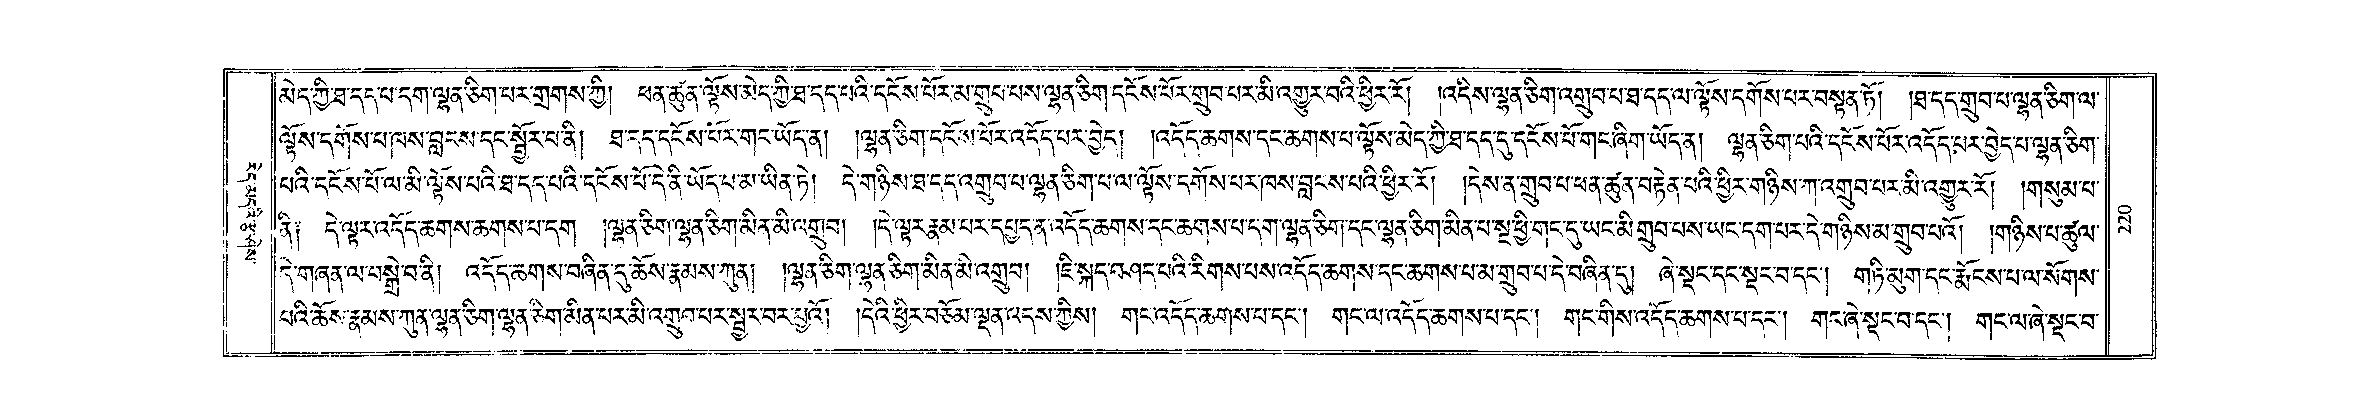མེད་ཀྱི་ཐ་དད་པ་དག་ལྷན་ཅིག་པར་གྲགས་ཀྱི། ཕན་ཚུན་ལྟོས་མེད་ཀྱི་ཐ་དད་པའི་དངོས་པོར་མ་གྲུབ་པས་ལྷན་ཅིག་དངོས་པོར་གྲུབ་པར་མི་འགྱུར་བའི་ཕྱིར་རོ། །འདིས་ལྷན་ཅིག་འགྲུབ་པ་ཐ་དད་ལ་ལྟོས་དགོས་པར་བསྟན་ཏོ། །ཐ་དད་གྲུབ་པ་ལྷན་ཅིག་ལ་
ལྟོས་དགོས་པ་ཁས་བླངས་དང་སྦྱོར་བ་ནི། ཐ་དད་དངོས་པོར་གང་ཡོད་ན། །ལྷན་ཅིག་དངོས་པོར་འདོད་པར་བྱེད། །འདོད་ཆགས་དང་ཆགས་པ་ལྟོས་མེད་ཀྱི་ཐ་དད་དུ་དངོས་པོ་གང་ཞིག་ཡོད་ན། ལྷན་ཅིག་པའི་དངོས་པོར་འདོད་པར་བྱེད་པ་ལྷན་ཅིག་
པའི་དངོས་པོ་ལ་མི་ལྟོས་པའི་ཐ་དད་པའི་དངོས་པོ་དེ་ནི་ཡོད་པ་མ་ཡིན་ཏེ། དེ་གཉིས་ཐ་དད་འགྲུབ་པ་ལྷན་ཅིག་པ་ལ་ལྟོས་དགོས་པར་ཁས་བླངས་པའི་ཕྱིར་རོ། །དེས་ན་གྲུབ་པ་ཕན་ཚུན་བརྟེན་པའི་ཕྱིར་གཉིས་ཀ་འགྲུབ་པར་མི་འགྱུར་རོ། །གསུམ་པ་
ནི༑ དེ་ལྟར་འདོད་ཆགས་ཆགས་པ་དག །ལྷན་ཅིག་ལྷན་ཅིག་མིན་མི་འགྲུབ། །དེ་ལྟར་རྣམ་པར་དཔྱད་ན་འདོད་ཆགས་དང་ཆགས་པ་དག་ལྷན་ཅིག་དང་ལྷན་ཅིག་མིན་པ་སྔ་ཕྱི་གང་དུ་ཡང་མི་གྲུབ་པས་ཡང་དག་པར་དེ་གཉིས་མ་གྲུབ་པའོ། །གཉིས་པ་ཚུལ་
དེ་གཞན་ལ་བསྒྲེ་བ་ནི། འདོད་ཆགས་བཞིན་དུ་ཆོས་རྣམས་ཀུན། །ལྷན་ཅིག་ལྷན་ཅིག་མིན་མི་འགྲུབ། །ཇི་སྐད་བཤད་པའི་རིགས་པས་འདོད་ཆགས་དང་ཆགས་པ་མ་གྲུབ་པ་དེ་བཞིན་དུ། ཞེ་སྡང་དང་སྡང་བ་དང་། གཏི་མུག་དང་རྨོངས་པ་ལ་སོགས་
པའི་ཆོས་རྣམས་ཀུན་ལྷན་ཅིག་ལྷན་ཅིག་མིན་པར་མི་འགྲུབ་པར་སྦྱར་བར་བྱའོ། །དེའི་ཕྱིར་བཅོམ་ལྡན་འདས་ཀྱིས། གང་འདོད་ཆགས་པ་དང་། གང་ལ་འདོད་ཆགས་པ་དང་། གང་གིས་འདོད་ཆགས་པ་དང་། གང་ཞེ་སྡང་བ་དང་། གང་ལ་ཞེ་སྡང་བ་